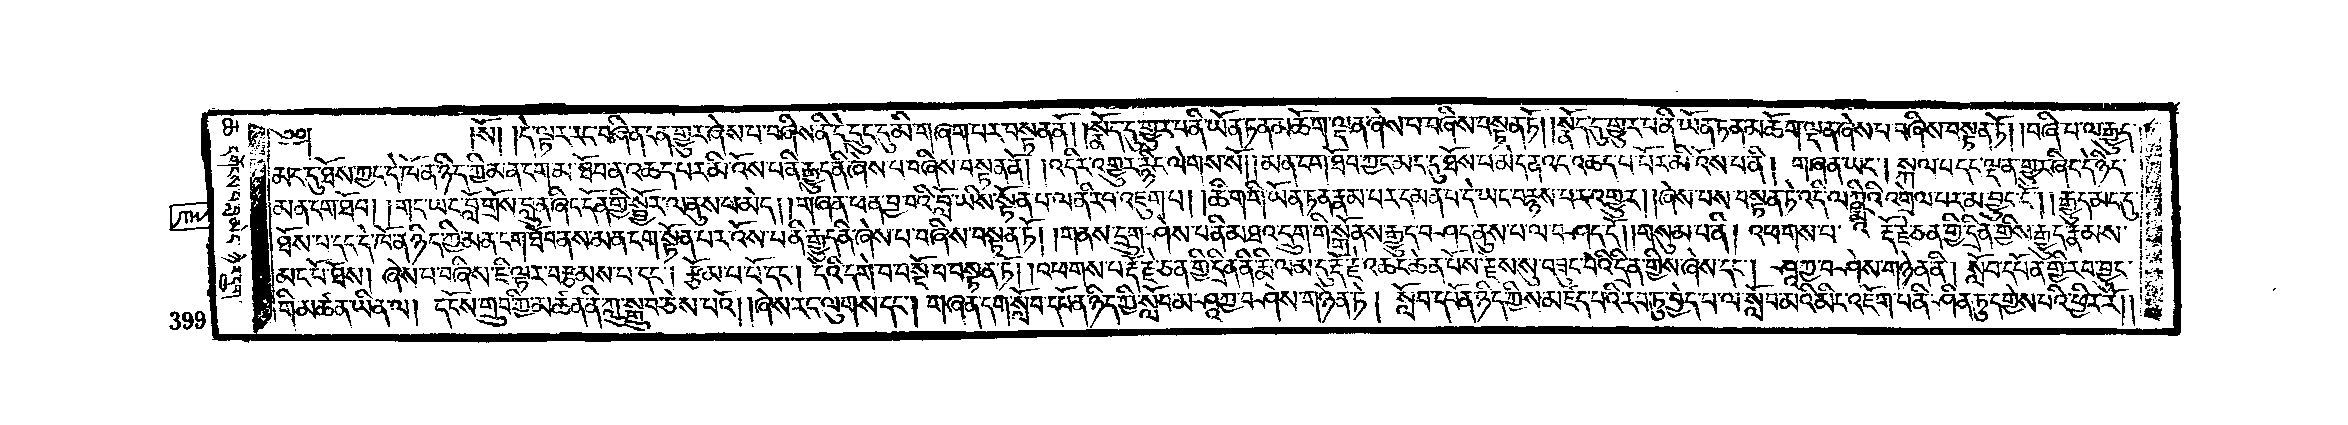༄༅། །སོ། །དེ་ལྟར་རང་བཞིན་ངན་གྱུར་ཞེས་པ་བཞིས་ནི་དེ་དྲུང་དུ་མི་གཞག་པར་བསྟན་ནོ། །སྣོད་དུ་གྱུར་པ་ནི་ཡོན་ཏན་མཆོག་ལྡན་ཞེས་པ་བཞིས་བསྟན་ཏོ། །སྣོད་དུ་གྱུར་པ་ནི་ཡོན་ཏན་མཆོག་ལྡན་ཞེས་པ་བཞིས་བསྟན་ཏོ། །བཞི་པ་ལ་རྒྱུད་
མང་དུ་ཐོས་ཀྱང་དེ་ཁོ་ན་ཉིད་ཀྱི་མན་ངག་མ་ཐོབ་ན་འཆད་པར་མི་འོས་པ་ནི་རྒྱུད་ནི་ཞེས་པ་བཞིས་བསྟན་ནོ། །འདིར་འགྱུར་རྙིང་ལེགས་སོ། །མན་ངག་ཐོབ་ཀྱང་མང་དུ་ཐོས་པ་མེད་ནའང་འཆད་པ་པོར་མི་འོས་པ་ནི། གཞན་ཡང་། སྐལ་པ་དང་ལྡན་གྱུར་ཞིང་དེ་ཉིད་
མན་ངག་ཐོབ། །གང་ཡང་བློ་གྲོས་བླུན་ཞིང་དོན་གྱི་སྦྱོར་ལ་ནུས་པ་མེད། །གཞན་ཕན་བྱ་བའི་བློ་ཡིས་སྟོན་པ་ལ་ནི་རབ་འཇུག་པ། །ཚིག་གི་ཡོན་ཏན་རྣམ་པར་དམན་པ་དེ་ཡང་བརྙས་པར་འགྱུར། །ཞེས་པས་བསྟན་ཏེ་འདི་ལཀྵྨཱིའི་འགྲེལ་པར་མ་བྱུང་ངོ། །རྒྱུད་མང་དུ་
ཐོས་པ་དང་དེ་ཁོ་ན་ཉིད་ཀྱི་མན་ངག་ཐོབ་ནས་མན་ངག་སྟོན་པར་འོས་པ་ནི་རྒྱུད་ནི་ཞེས་པ་བཞིས་བསྟན་ཏོ། །གནས་དྲུག་ཤེས་པ་ནི་མཐའ་དྲུག་གི་སྒོ་ནས་རྒྱུད་བཤད་ནུས་པ་ལ་བཤད་དོ། །གསུམ་པ་ནི། འཕགས་པ་རྡོ་རྗེ་ཅན་གྱི་དྲིན་གྱིས་རྒྱུད་རྣམས་
མང་པོ་ཐོས། ཞེས་པ་བཞིས་ཇི་ལྟར་བརྩམས་པ་དང་། རྩོམ་པ་པོ་དང་། དེའི་དགེ་བ་བསྔོ་བ་བསྟན་ཏོ། །འཕགས་པ་རྡོ་རྗེ་ཅན་གྱི་དྲིན་ནི་རྨི་ལམ་དུ་རྡོ་རྗེ་འཆང་ཆེན་པོས་རྗེས་སུ་བཟུང་བའི་དྲིན་གྱིས་ཞེས་དང་། ཤཱཀྱ་བཤེས་གཉེན་ནི། སློབ་དཔོན་གྱི་རབ་བྱུང་
གི་མཚན་ཡིན་ལ། དངོས་གྲུབ་ཀྱི་མཚན་ནི་ཀླུ་སྒྲུབ་ཅེས་པའོ། །ཞེས་རང་ལུགས་དང་། གཞན་དག་སློབ་དཔོན་ཉིད་ཀྱི་སློབ་མ་ཤཱཀྱ་བཤེས་གཉེན་ཏེ། སློབ་དཔོན་ཉིད་ཀྱིས་མཛད་པའི་རབ་ཏུ་བྱེད་པ་ལ་སློབ་མའི་མིང་འཇོག་པ་ནི་ཤིན་ཏུ་དགྱེས་པའི་ཕྱིར་རོ། །